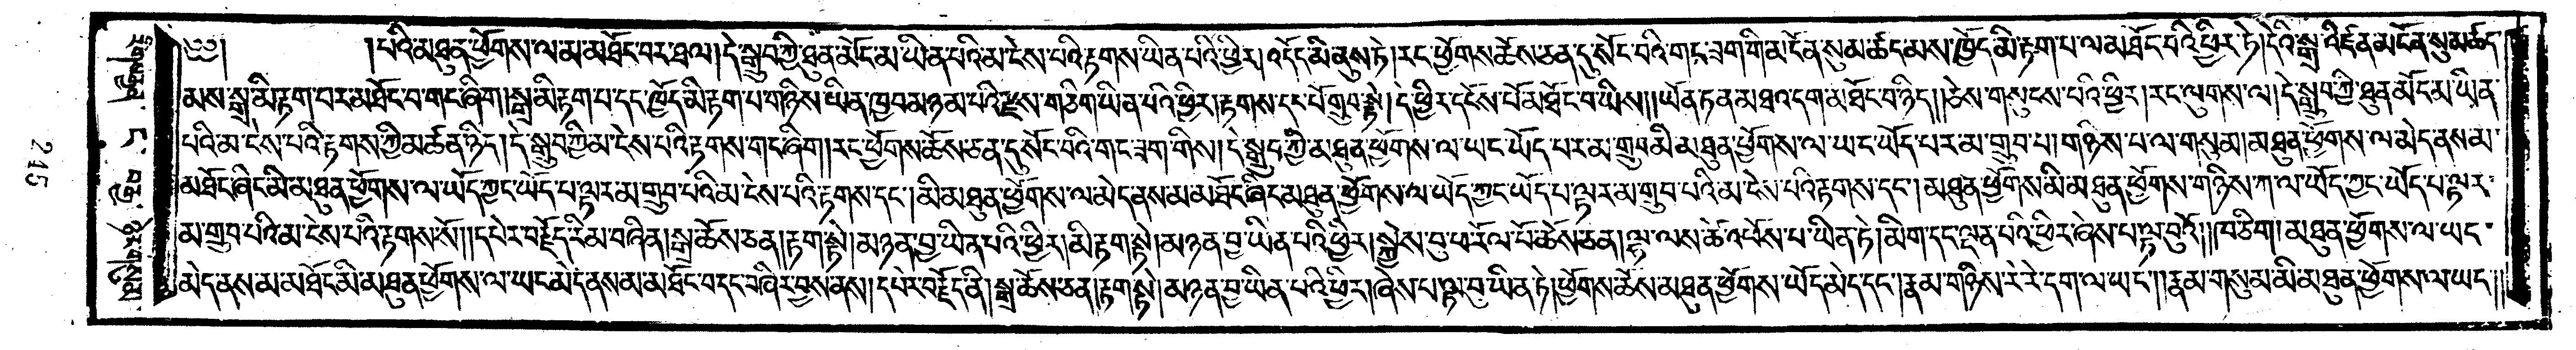༄༅། །པའི་མཐུན་ཕྱོགས་ལ་མ་མཐོང་བར་ཐལ། དེ་སྒྲུབ་ཀྱི་ཐུན་མོང་མ་ཡིན་པའི་མ་ངེས་པའི་རྟགས་ཡིན་པའི་ཕྱིར། འདོད་མི་ནུས་ཏེ། རང་ཕྱོགས་ཆོས་ཅན་དུ་སོང་བའི་གང་ཟག་གི་མངོན་སུམ་ཚད་མས་ཁྱོད་མི་རྟག་པ་ལ་མཐོང་བའི་ཕྱིར་ཏེ། དེའི་སྒྲ་འཛིན་མངོན་སུམ་ཚད་
མས་སྒྲ་མི་རྟག་པར་མཐོང་བ་གང་ཞིག །སྒྲ་མི་རྟག་པ་དང་ཁྱོད་མི་རྟག་པ་གཉིས་ཡིན་ཁྱབ་མཉམ་པའི་རྫས་གཅིག་ཡིན་པའི་ཕྱིར། རྟགས་དང་པོ་གྲུབ་སྟེ། དེ་ཕྱིར་དངོས་པོ་མཐོང་བ་ཡིས། །ཡོན་ཏན་མཐའ་དག་མཐོང་བ་ཉིད། །ཅེས་གསུངས་པའི་ཕྱིར། རང་ལུགས་ལ། དེ་སྒྲུབ་ཀྱི་ཐུན་མོང་མ་ཡིན་
པའི་མ་ངེས་པའི་རྟགས་ཀྱི་མཚན་ཉིད། དེ་སྒྲུབ་ཀྱི་མ་ངེས་པའི་རྟགས་གང་ཞིག །རང་ཕྱོགས་ཆོས་ཅན་དུ་སོང་བའི་གང་ཟག་གིས། དེ་སྒྲུབ་ཀྱི་མཐུན་ཕྱོགས་ལ་ཡང་ཡོད་པར་མ་གྲུབ་མི་མཐུན་ཕྱོགས་ལ་ཡང་ཡོད་པར་མ་གྲུབ་པ། གཉིས་པ་ལ་གསུམ། མཐུན་ཕྱོགས་ལ་མེད་ནས་མ་
མཐོང་ཞིང་མི་མཐུན་ཕྱོགས་ལ་ཡོད་ཀྱང་ཡོད་པ་ལྟར་མ་གྲུབ་པའི་མ་ངེས་པའི་རྟགས་དང་། མི་མཐུན་ཕྱོགས་ལ་མེད་ནས་མ་མཐོང་ཞིང་མཐུན་ཕྱོགས་ལ་ཡོད་ཀྱང་ཡོད་པ་ལྟར་མ་གྲུབ་པའི་མ་ངེས་པའི་རྟགས་དང་། མཐུན་ཕྱོགས་མི་མཐུན་ཕྱོགས་གཉིས་ཀ་ལ་ཡོད་ཀྱང་ཡོད་པ་ལྟར་
མ་གྲུབ་པའི་མ་ངེས་པའི་རྟགས་སོ། །དཔེར་བརྗོད་རིམ་བཞིན། སྒྲ་ཆོས་ཅན། རྟག་སྟེ། མཉན་བྱ་ཡིན་པའི་ཕྱིར། མི་རྟག་སྟེ། མཉན་བྱ་ཡིན་པའི་ཕྱིར། སྐྱེས་བུ་ཕ་རོལ་པོ་ཆོས་ཅན། ལྷ་ལས་ཚེ་འཕོས་པ་ཡིན་ཏེ། མིག་དང་ལྡན་པའི་ཕྱིར་ཞེས་པ་ལྟ་བུའོ། །ཁ་ཅིག །མཐུན་ཕྱོགས་ལ་ཡང་
མེད་ནས་མ་མཐོང་མི་མཐུན་ཕྱོགས་ལ་ཡང་མེད་ནས་མ་མཐོང་བ་དང་བཞིར་བྱས་ནས། དཔེར་བརྗོད་ནི། སྒྲ་ཆོས་ཅན། རྟག་སྟེ། མཉན་བྱ་ཡིན་པའི་ཕྱིར། ཞེས་པ་ལྟ་བུ་ཡིན་ཏེ། ཕྱོགས་ཆོས་མཐུན་ཕྱོགས་ཡོད་མེད་དང་། རྣམ་གཉིས་རེ་རེ་དག་ལ་ཡང་། །རྣམ་གསུམ་མི་མཐུན་ཕྱོགས་ལ་ཡང་།